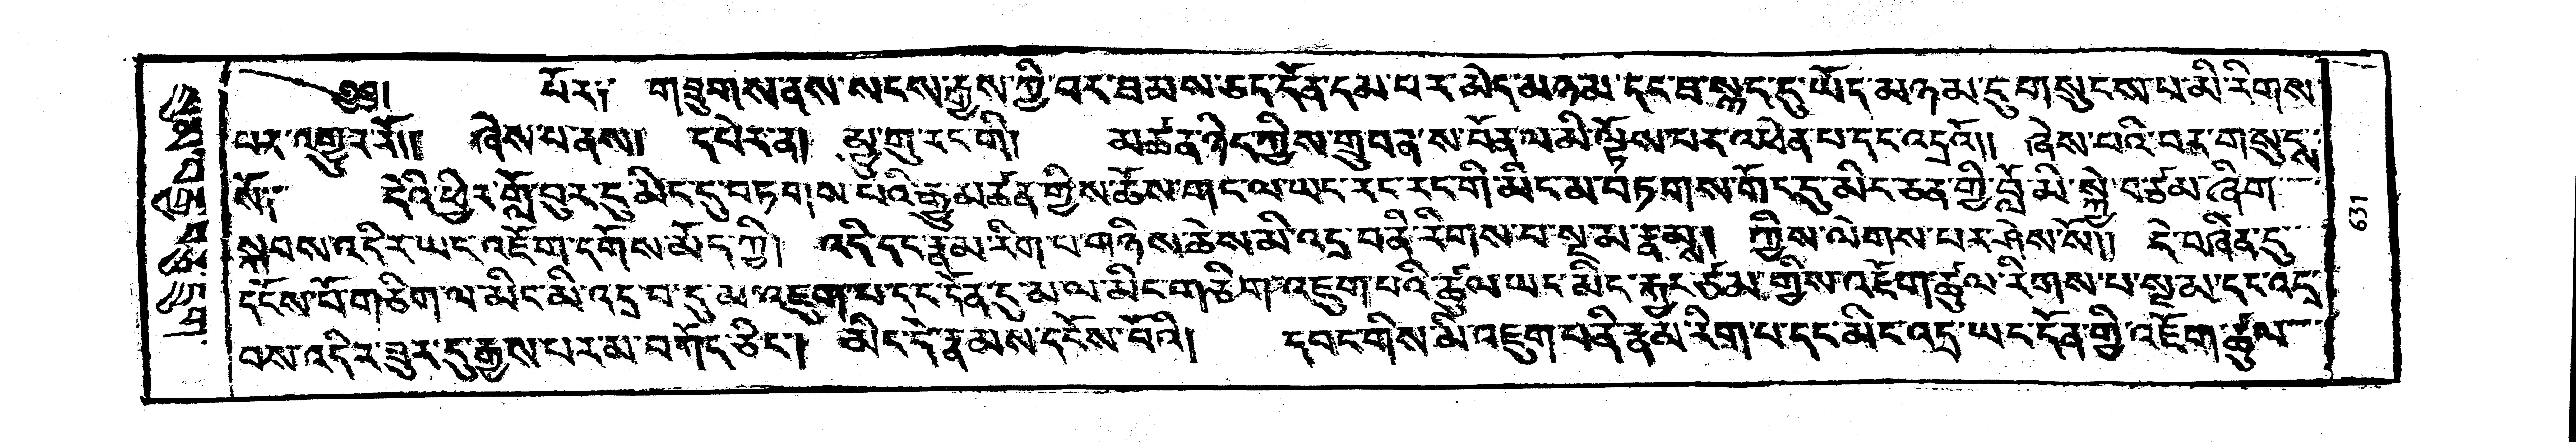༄༅། །པོར༑ གཟུགས་ནས་སངས་རྒྱས་ཀྱི་བར་ཐམས་ཅད་དོན་དམ་པར་མེད་མཉམ་དང་ཐ་སྙད་དུ་ཡོད་མཉམ་དུ་གསུངས་པ་མི་རིགས་
པར་འགྱུར་རོ། །ཞེས་པ་ནས། དཔེར་ན། མྱུ་གུ་རང་གི། མཚན་ཉིད་ཀྱིས་གྲུབ་ན་ས་བོན་ལ་མི་ལྟོས་པར་འཕེན་པ་དང་འདྲའོ། །ཞེས་པའི་བར་གསུངས་
སོ། དེའི་ཕྱིར་གློ་བུར་དུ་མིང་དུ་བཏགས་པའི་རྒྱུ་མཚན་གྱིས་ཆོས་གང་ལ་ཡང་རང་རང་གི་མིང་མ་བཏགས་གོང་དུ་མིང་ཅན་གྱི་བློ་མི་སྐྱེ་བ་ཙམ་ཞིག་
སྐབས་འདིར་ཡང་འཇོག་དགོས་མོད་ཀྱི། འདི་དང་རྣམ་རིག་པ་གཉིས་ཆེས་མི་འདྲ་བ་ནི་རིགས་པ་སྔ་མ་རྣམས། ཀྱིས་ལེགས་པར་ཤེས་སོ། །དེ་བཞིན་དུ་
དངོས་པོ་གཅིག་ལ་མིང་མི་འདྲ་བ་དུ་མ་འཇུག་པ་དང་དོན་དུ་མ་ལ་མིང་གཅིག་འཇུག་པའི་ཚུལ་ཡང་མིང་རྐྱར་ཙམ་གྱིས་འཇོག་ཚུལ་རིགས་པ་སྔ་མ་དང་འདྲ་
བས་འདིར་ཟུར་དུ་རྒྱས་པར་མ་བཀོད་ཅིང་། མིང་དེ་རྣམས་དངོས་པོའི། དབང་གིས་མི་འཇུག་པ་ནི་རྣམ་རིག་པ་དང་མིང་འདྲ་ཡང་དོན་གྱི་འཇོག་ཚུལ་